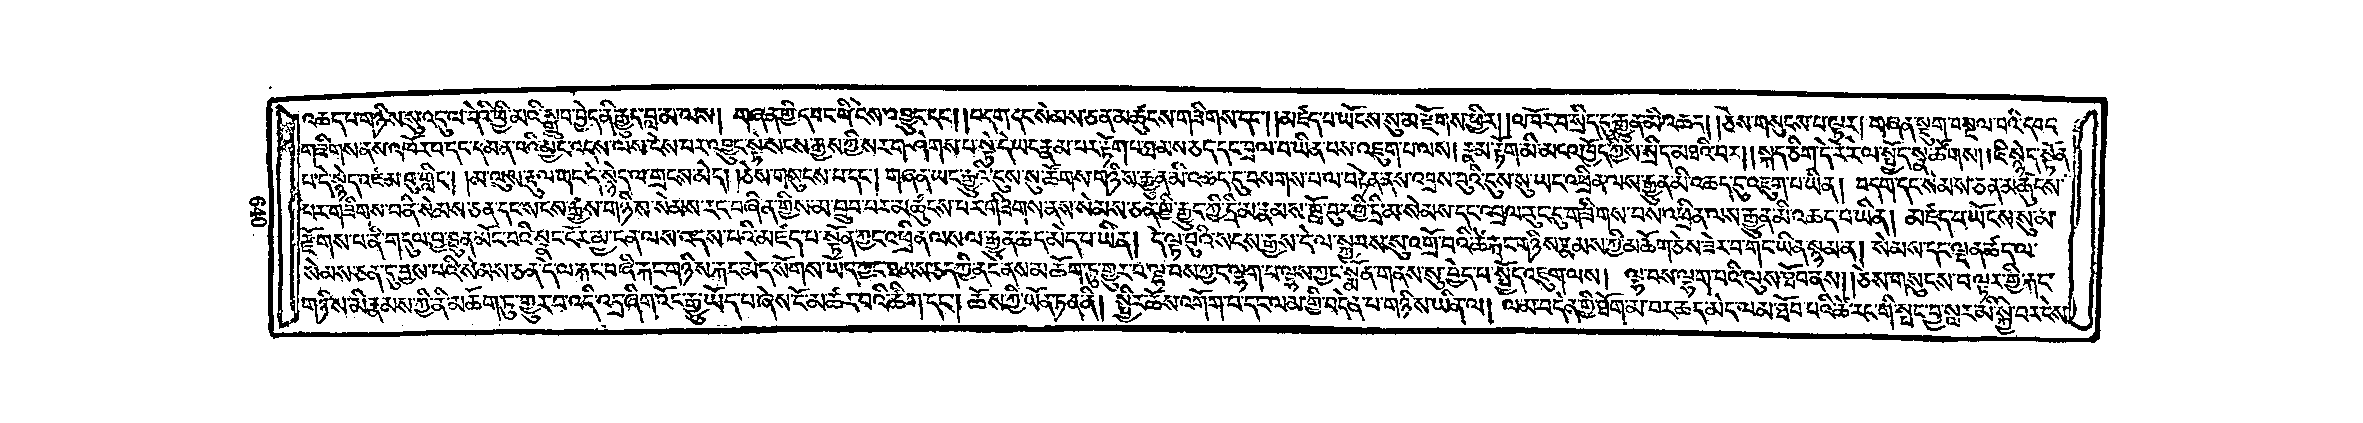འཆད་པ་གཉིས་སུ་འདུ་ལ་དེའི་ཕྱི་མའི་སྒྲུབ་བྱེད་ནི་རྒྱུད་བླ་མ་ལས། གཞན་གྱི་དབང་གི་ངེས་འབྱུང་དང་། །བདག་དང་སེམས་ཅན་མཚུངས་གཟིགས་དང་། །མཛད་པ་ཡོངས་སུ་མ་རྫོགས་ཕྱིར་།འཁོར་བ་སྲིད་དུ་རྒྱུན་མི་འཆད། །ཅེས་གསུངས་པ་ལྟར། གཞན་སྡུག་བསྔལ་བའི་དབང་
གཟིགས་ནས་འཁོར་བ་དང་དམན་པའི་མྱང་འདས་ལས་ངེས་པར་འབྱུང་སྟེ་སངས་རྒྱས་ཀྱི་སར་གཤེགས་པ་སྟེ་དེ་ཡང་རྣམ་པར་རྟོག་པ་ཐམས་ཅད་དང་བྲལ་བ་ཡིན་པས་འཇུག་པ་ལས། རྣམ་རྟོག་མི་མངའ་ཁྱོད་ཀྱིས་སྲིད་མཐའི་བར། །སྐད་ཅིག་དེ་རེ་རེ་ལ་སྤྱོད་སྣ་ཚོགས། །ཇི་སྙེད་སྟོན་
པ་དེ་སྙེད་འཛམ་བུ་གླིང་། །མ་ལུས་རྡུལ་གང་དེ་སྙེད་ལ་གྲངས་མེད། །ཅེས་གསུངས་པ་དང་། གཞན་ཡང་རྒྱུའི་དུས་སུ་ཚོགས་གཉིས་རྒྱུན་མི་འཆད་དུ་བསགས་པ་ལ་བརྟེན་ནས་འབྲས་བུའི་དུས་སུ་ཡང་འཕྲིན་ལས་རྒྱུན་མི་འཆད་དུ་འཇུག་པ་ཡིན། བདག་དང་སེམས་ཅན་མཚུངས་
པར་གཟིགས་པ་ནི་སེམས་ཅན་དང་སངས་རྒྱས་གཉིས་སེམས་རང་བཞིན་གྱིས་མ་གྲུབ་པར་མཚུངས་པར་གཟིགས་ནས་སེམས་ཅན་གྱི་རྒྱུད་ཀྱི་དྲི་མ་རྣམས་གློ་བུར་གྱི་དྲི་མ་སེམས་དང་འབྲལ་རུང་དུ་གཟིགས་པས་འཕྲིན་ལས་རྒྱུན་མི་འཆད་པ་ཡིན། མཛད་པ་ཡོངས་སུ་མ་
རྫོགས་པ་ནི་གདུལ་བྱ་ཐུན་མོང་བའི་སྣང་ངོར་མྱ་ངན་ལས་འདས་པའི་མཛད་པ་སྟོན་ཀྱང་འཕྲིན་ལས་ལ་རྒྱུན་ཆད་མེད་པ་ཡིན། དེ་ལྟ་བུའི་སངས་རྒྱས་དེ་ལ་སྐྱབས་སུ་འགྲོ་བའི་ཚེ་རྐང་གཉིས་རྣམས་ཀྱི་མཆོག་ཅེས་ཟེར་བ་གང་ཡིན་སྙམ་ན། སེམས་དང་ལྡན་ཚད་ལ་
སེམས་ཅན་དུ་བྱས་པའི་སེམས་ཅན་དེ་ལ་རྐང་བཞི་རྐང་གཉིས་རྐང་མེད་སོགས་ཡོད་ཀྱང་ཐམས་ཅད་ཀྱི་ནང་ནས་མཆོག་ཏུ་གྱུར་པ་ལྷ་བས་ཀྱང་ལྷག་པ་ལྷས་ཀྱང་སྨོན་གནས་སུ་བྱེད་པ་སྤྱོད་འཇུག་ལས། ལྷ་བས་ལྷག་པའི་ལུས་ཐོབ་ནས། །ཅེས་གསུངས་པ་ལྟར་གྱི་ཀྲྐང་
གཉིས་མི་རྣམས་ཀྱི་ནི་མཆོག་ཏུ་གྱུར་པ་འདི་འདྲ་ཞིག་འོང་རྒྱུ་ཡོད་པ་ཞེས་ངོ་མཚར་བའི་ཚིག་དང་། ཆོས་ཀྱི་ཡོན་ཏན་ནི། སྤྱིར་ཆོས་འགོག་པ་དང་ལམ་གྱི་བདེན་པ་གཉིས་ཡིན་ལ། ལམ་བདེན་གྱི་ཐོག་མ་བར་ཆད་མེད་ལམ་ཐོབ་པའི་ཚེ་རང་གི་སྤང་བྱ་སླར་མི་སྐྱེ་བར་ངེས་